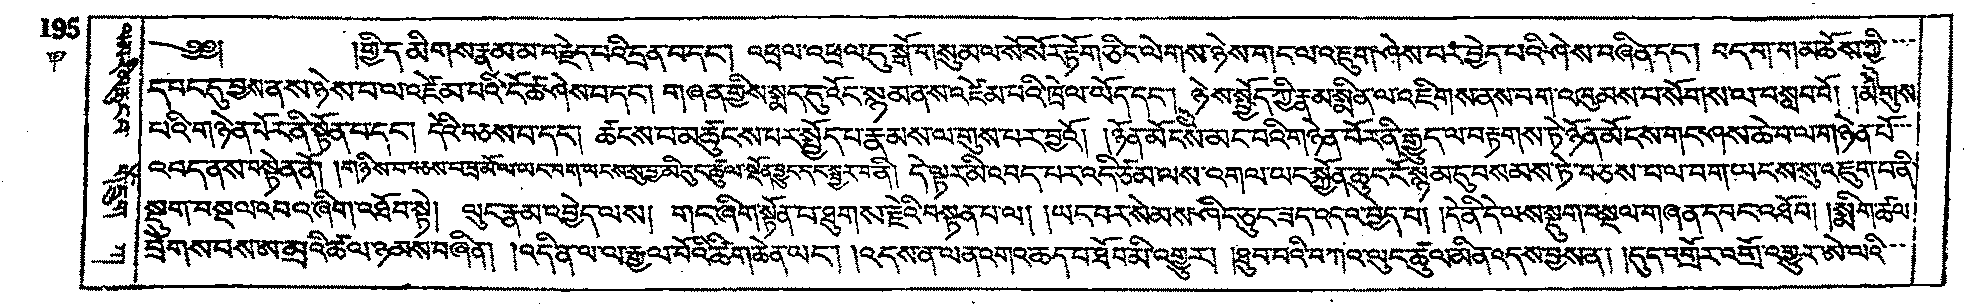༄༅། །གྱི་དམིགས་རྣམ་མ་བརྗེད་པའི་དྲན་པ་དང་། འཕྲལ་འཕྲལ་དུ་སྒོ་གསུམ་ལ་སོ་སོར་རྟོག་ཅིང་ལེགས་ཉེས་གང་ལ་འཇུག་ཤེས་པར་བྱེད་པའི་ཤེས་བཞིན་དང་། བདག་གམ་ཆོས་ཀྱི་
དབང་དུ་བྱས་ནས་ཉེས་པ་ལ་འཛེམ་པའི་ངོ་ཚ་ཤེས་པ་དང་། གཞན་གྱིས་སྨད་དུ་འོང་སྙམ་ནས་འཛེམ་པའི་ཁྲེལ་ཡོད་དང་། ཉེས་སྤྱོད་ཀྱི་རྣམ་སྨིན་ལ་འཇིགས་ནས་བག་འཁུམས་པ་སོགས་ལ་བསླབ་བོ། །མ་གུས་
པའི་གཉེན་པོར་ནི་སྟོན་པ་དང་། དེའི་བཅས་པ་དང་། ཚངས་པ་མཚུངས་པར་སྤྱོད་པ་རྣམས་ལ་གུས་པར་བྱའོ། །ཉོན་མོངས་མང་བའི་གཉེན་པོར་ནི་རྒྱུད་ལ་བརྟགས་ཏེ་ཉོན་མོངས་གང་ཤས་ཆེ་བ་ལ་གཉེན་པོ་
འབད་ནས་བསྟེན་ནོ། །གཉིས་པ་བཅས་པ་ཕྲ་མོ་ལ་ཡང་བག་ཡངས་སུ་བྱ་མི་རུང་ཚུལ་སྔོན་བྱུང་དང་སྦྱར་བ་ནི།  དེ་ལྟར་མི་འབད་པར་འདི་ཙམ་ལས་འགལ་ཡང་སྐྱོན་ཆུང་ངོ་སྙམ་དུ་བསམས་ཏེ་བཅས་པ་ལ་བག་ཡངས་སུ་འཇུག་པ་ནི་
སྡུག་བསྔལ་འབའ་ཞིག་འཐོབ་སྟེ། ལུང་རྣམ་འབྱེད་ལས། གང་ཞིག་སྟོན་པ་ཐུགས་རྗེའི་བསྟན་པ་ལ། །ཡང་བར་སེམས་ཤིང་ཅུང་ཟད་འདའ་བྱེད་པ། །དེ་ནི་དེ་ལས་སྡུག་བསྔལ་གཞན་དབང་འཐོབ། །སྨིག་ཚལ་
བྲེགས་བས་ཨ་མྲའི་ཚལ་ཉམས་བཞིན། །འདི་ན་ལ་ལ་རྒྱལ་པོའི་ཚིག་ཆེན་ཡང་། །འདས་ན་ལན་འགའ་ཆད་པ་ཐོབ་མི་འགྱུར། །ཐུབ་པའི་བཀའ་ལུང་ཚུལ་མིན་འདས་བྱས་ན། །དུད་འགྲོར་འགྲོ་འགྱུར་ཨེ་ལའི་